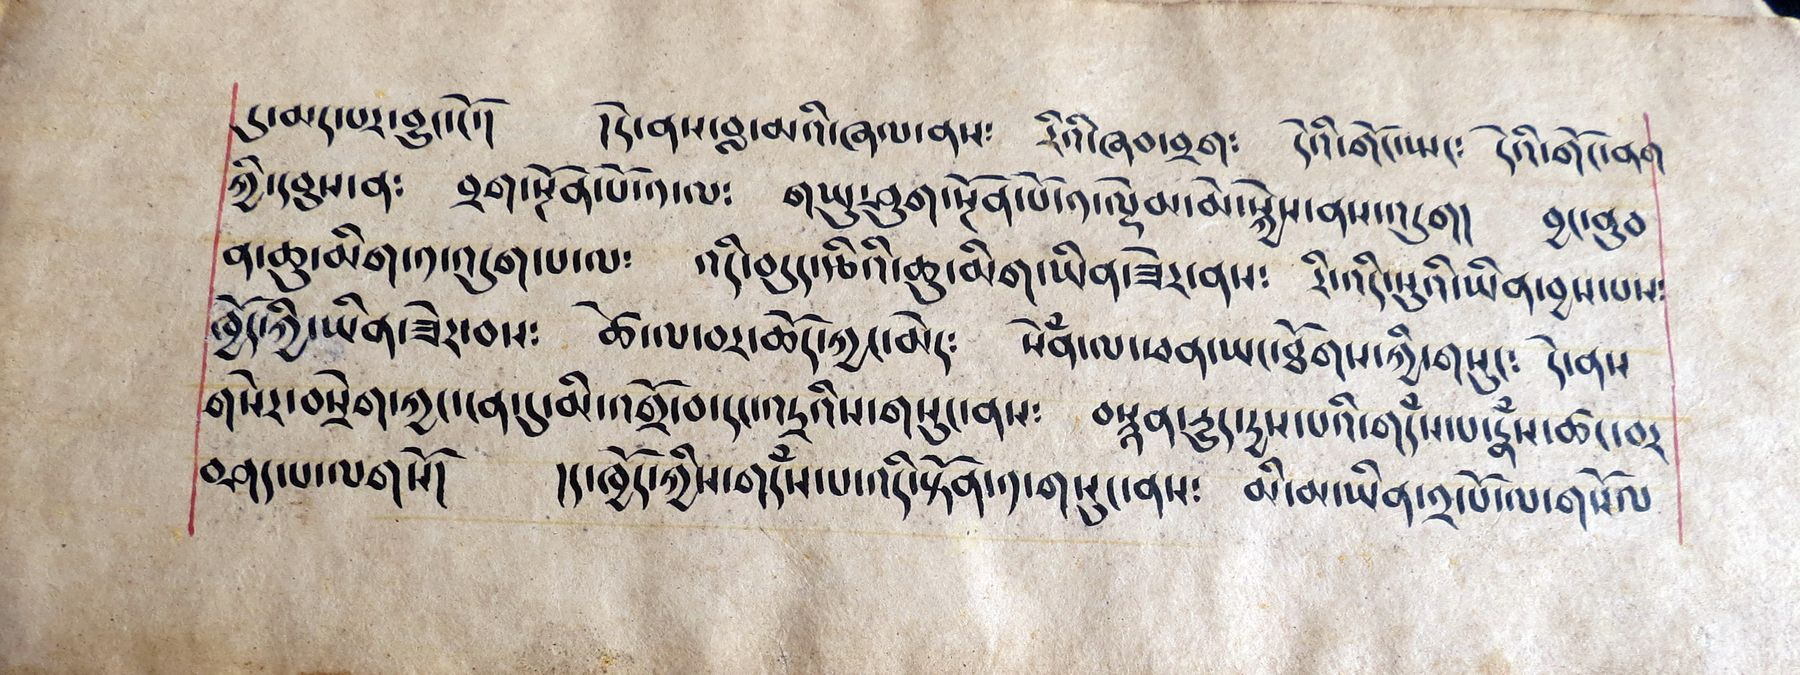དུ་མད་པར་བྱུང་ངོ། །དེ་ནས་བླ་མའི་ཞལ་ནས། རིའི་ཞབ་བྲག དེའི་གོང་སྤང་། དེའི་གོང་ནགས་
ཀྱི་དབུས་ན་བྲག་སྔོན་པོ་ལ་གཡུ་ཤུག་སྔོན་པོ་ཅིག་ལྡེམ་མེ་སྐྱེས་ནས་འདུག བྱང་ནུབ་
ན་ཆུ་མིག་ཅིག་འདུག་པ་ལ། འདི་བདུད་རྩིའི་ཆུ་མིག་ཡིན་ཟེར་ནས། རི་འདི་སུའི་ཡིན་བྱས་པས། 
ཁྱོད་ཀྱི་ཡིན་ཟེར་བས། ཚེ་ལ་བར་ཆོད་ཀྱང་མེད། སེམས་ཅན་ལ་ཕན་ཡང་ཐོགས་ཀྱི་གསུངས། དེ་ནས་
གསེར་བསྲེགས་ཀྱང་ངན་དུ་མི་འགྲོ་བ་དང་འདྲ་ཡི་གསུངས་ནས། སྙན་རྒྱུད་རྒྱས་པའི་གདམས་པ་རྣམས་ཚང་བར་
བཤད་པ་ལགས་སོ། །ད་ཁྱོད་ཀྱིས་གདམས་པ་འདི་སྟོན་ཅིག་གསུངས་ནས། མི་མ་ཡིན་གཉིས་པོ་ལ་གསོལ་